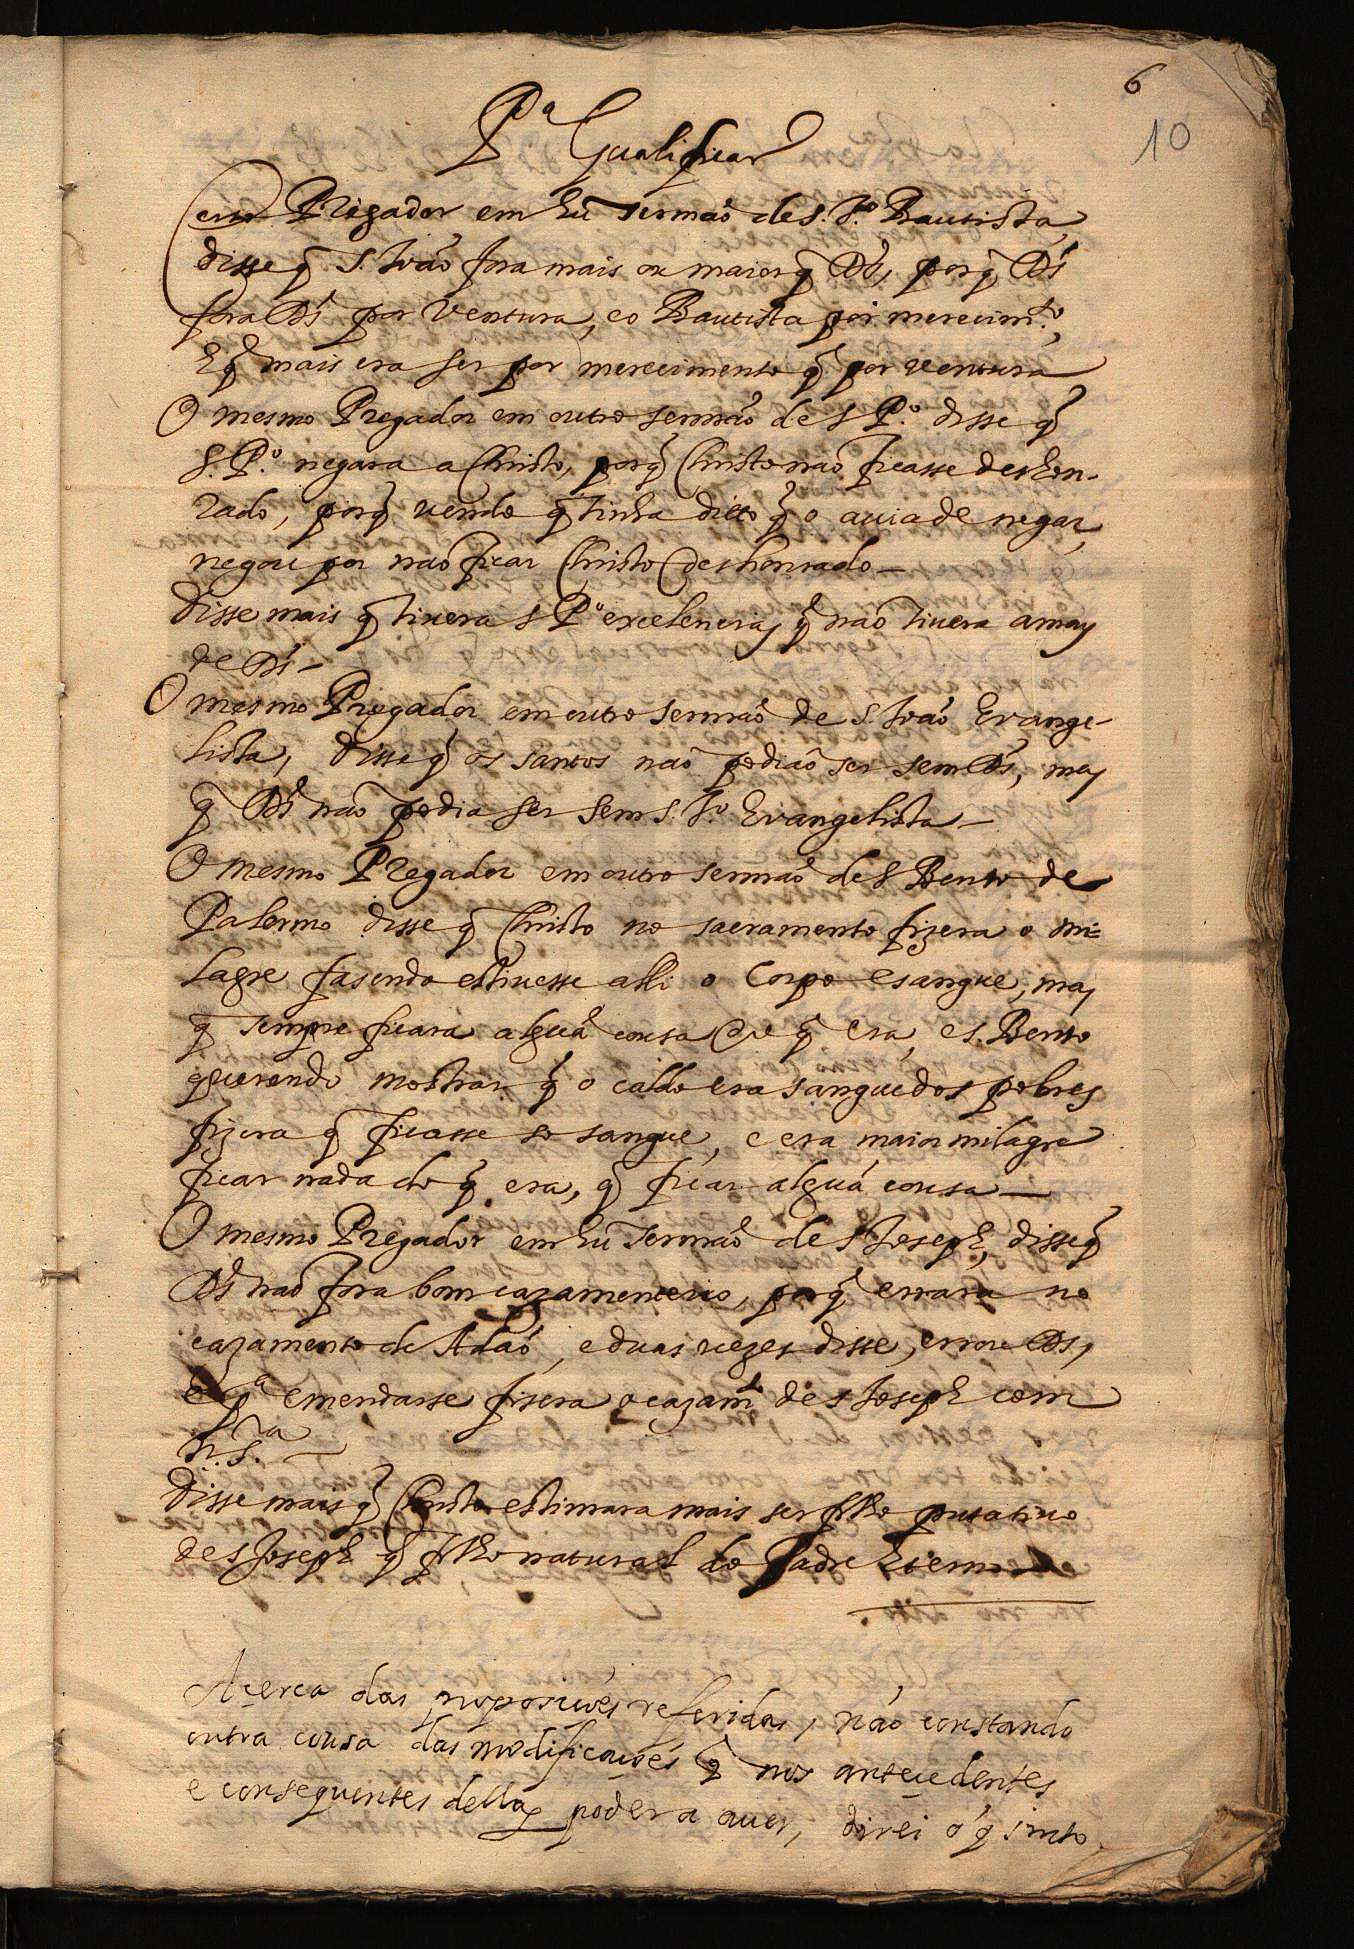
6
Pa Qualificar
Certo Pregador em hū sermaõ de S. I.o Bautista
disse q̄ s. Ioaõ fora mais ou maior q̄ Ds̄, porq̄ Ds̄
fora Ds̄ por ventura, e o Bautista por merecimto,
E q̄ mais era ser por merecimento q̄ por ventura
O mesmo Pregador em outro sermaõ de S P.o disse q̄
S. P.o negara a Christo, porq̄ Christo naõ ficasse deshon
rado, porq̄ uendo q̄ tinha ditto q̄ o auia de negar,
negou por naõ ficar Christo deshonrado
Disse mais q̄ tiuera S Po excelencias q̄ naõ tiuera a may
de Ds̄ -
O mesmo Pregador em outro sermaõ de S. Ioaõ Evange
lista, disse q̄ os santos naõ podiaõ ser sem Ds̄, mas
q̄ Ds̄ naõ podia ser sem s. I.o Evangelista -
O mesmo Pregador em outro sermaõ de S Bento de
Palermo disse q̄ Christo no sacramento fizera o mi
lagre fasendo estiuesse alli o corpo e sangue, mas
q̄ sempre ficara alguā cousa do q̄ era e s. Bento
querendo mostrar q̄ o caldo era sangue dos pobres
fizera q̄ ficasse so sangue, e era maior milagre
ficar nada do q̄ era, q̄ ficar alguā cousa -
O mesmo Pregador em hū sermaõ de s Ioseph disse q̄
Ds̄ naõ fora bom cazamenteiro, porq̄ errara no
cazamento de Adaõ, e duas uezes disse, errou Ds,
e pa emendarse fisera o cazamto de s Ioseph com
n. S.ra
Disse mais q̄ Christo estimara mais ser filho putatiuo
de s Joseph q̄ filho natural do Padre Eterno
Acerca das proposiçoẽs referidas, naõ constando
outra cousa das modificaçoẽs q̄ nos antecedentes
e consequentes dellas podera auer, direi o q̄ sinto
